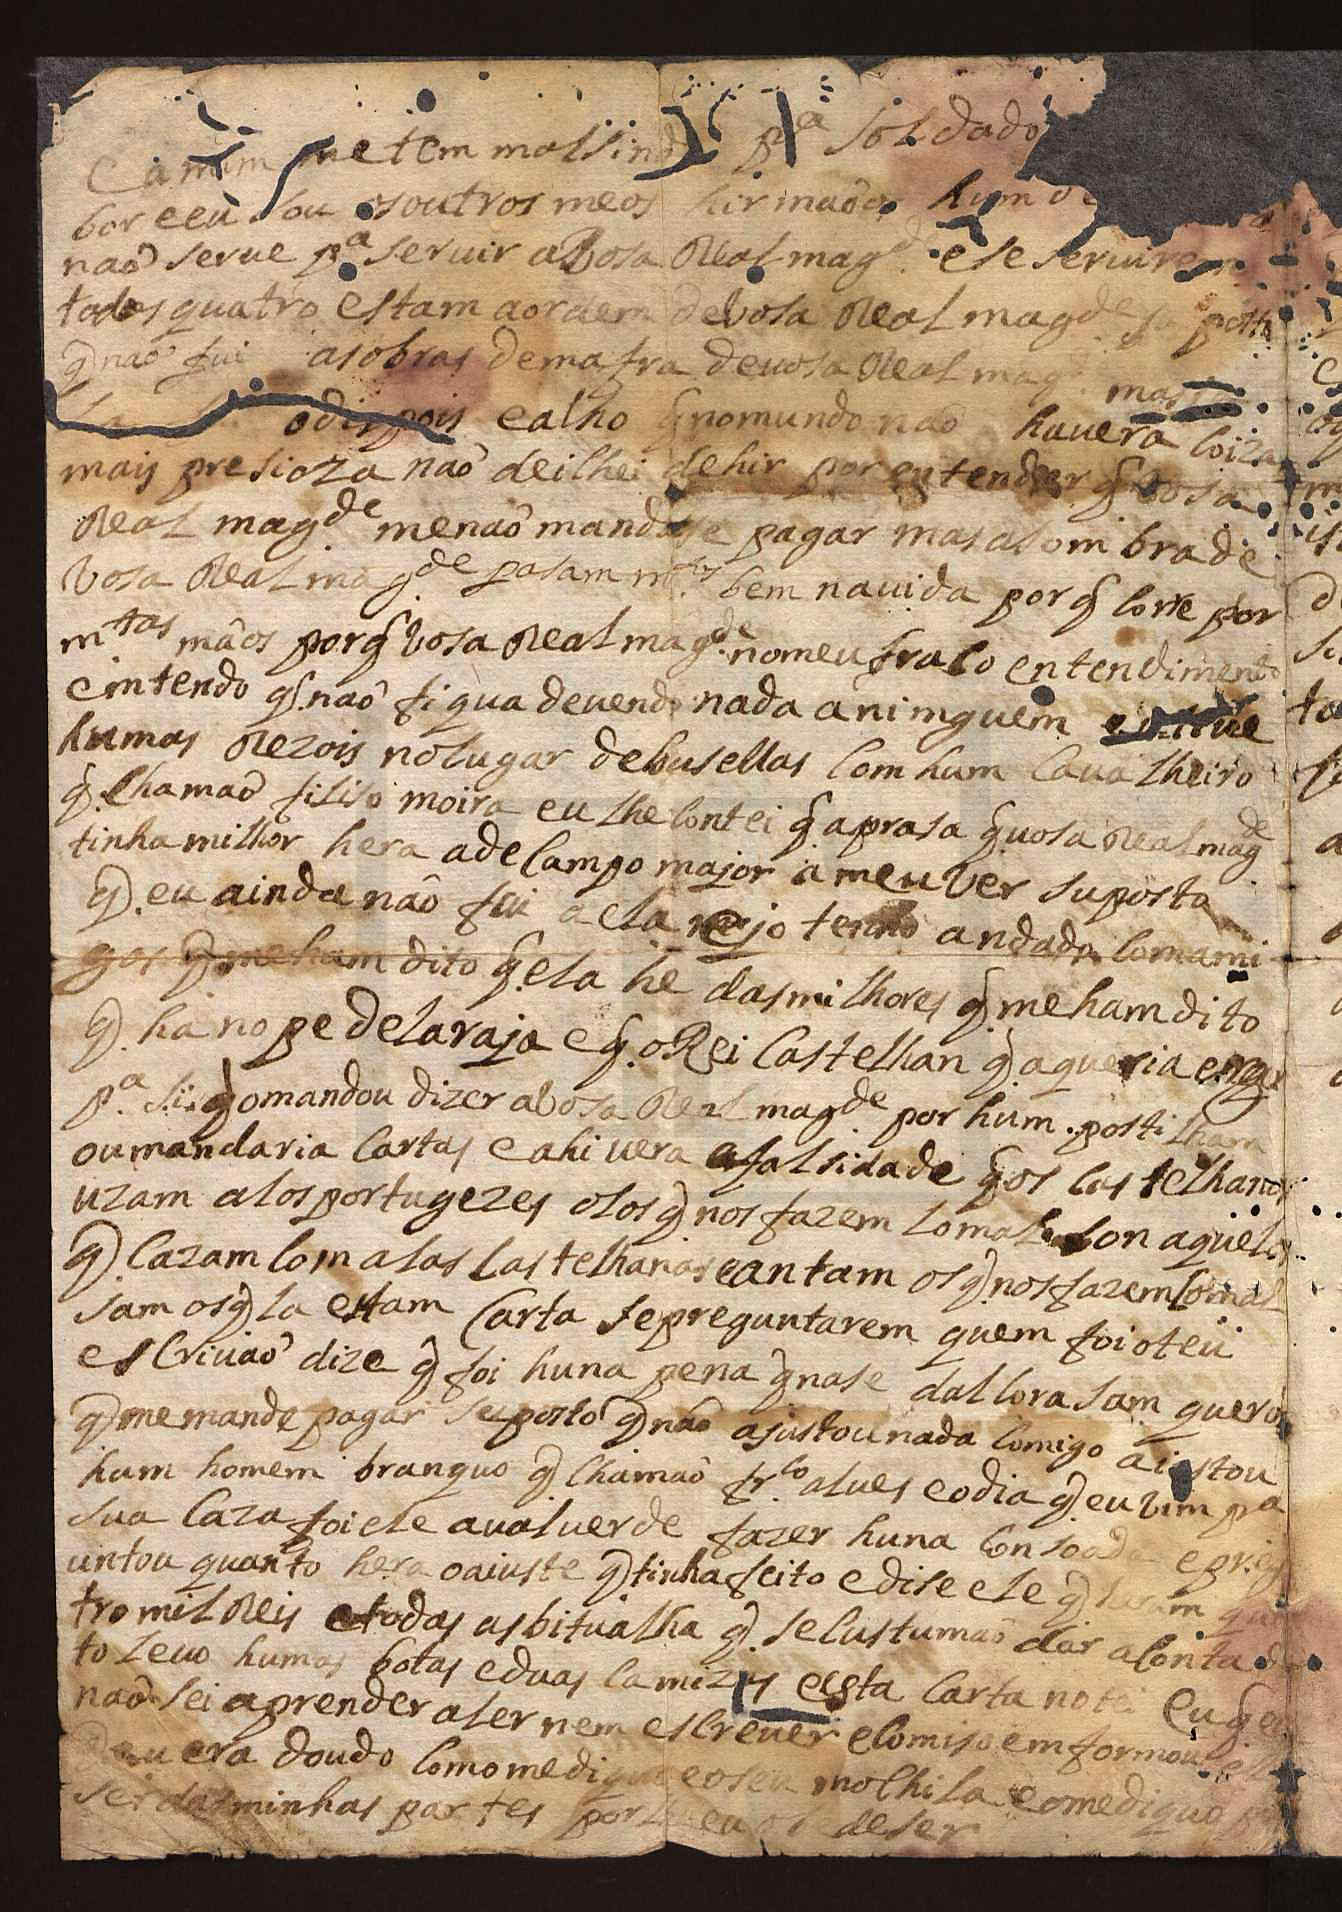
E a mim me tem mal send_ pa soldado
bor e eu sou os outros meos hirmaõos hum o e
naõ serue p.a seruir a Vosa Real mag.de e se seruirem
todos quatro estam a ordem de vosa ReaL magd.e su_peito
q̄ naõ fui as obras de mafra de uosa Real mag.de mas
o dispois e acho q̄ no mundo naõ hauera coiza
mais presioza naõ deiChei de hir por entender q̄ vosa
ReaL mag.de me naõ mandase pagar mas a sombra de
vosa ReaL mag.de pasam m.tos bem na uida porq̄ corre por
m.tas mãos porq̄ vosa Real mag.de no meu fraCo entendimento
emtendo q̄. naõ fiqua deuendo nada a nimguem
humas Rezois no lugar de busellas Com hum Caualheiro
q̄. Chamaõ filiso moira eu lhe Contei q̄ a prasa q̄ uosa Real mag.de
tinha milhor hera a de Campo major a meu ver suposto
q̄. eu ainda naõ fui a ela e jo tendo andado Com ami
gos q̄ me ham dito q̄. ela he das milhores q̄ me ham dito
q̄. ha no pe de laraja e q̄. o Rei Castellan q̄. a queria errgu
p.a si q̄ o mandou dizer a vosa Real mag.de por hum postilham
ou mandaria Cartas e ahi uera a falsidade q̄ os castelhanos
uzam a los portugezes e los q̄ nos fazem lo mal Con aquelos
q̄ Cazam Com a los Castelhanos e antam os q̄. nos fazem [o mal
sam os q̄ la estam Carta se preguntarem quem foi o teu
esCriuaõ dize q̄ foi huna pena q̄ nase dal Corasam quero
q̄ me mande pagar suposto q̄ naõ ajustou nada comigo ai_stou
hum homem branquo q̄ Chamaõ fr.co alues e o dia q̄ eu vim pa
sua Caza foi ele a ualuerde fazer huna consoada e preg
untou quanto hera o aiuste q̄ tinha feito e dise ele q̄ seram qu
tro mil Reis e todas as bitualha q̄ se Custumaõ dar a Conta d
to Leuo humas botas e duas camiz_s e esta Carta notei Eu q̄ o
naõ sei aprender a ler nem esCreuer e com iso emformou el
q̄. eu era doudo Como mediquo e o seu moChila e o mediquo
ser das minhas partes por lhe eu obedeser
